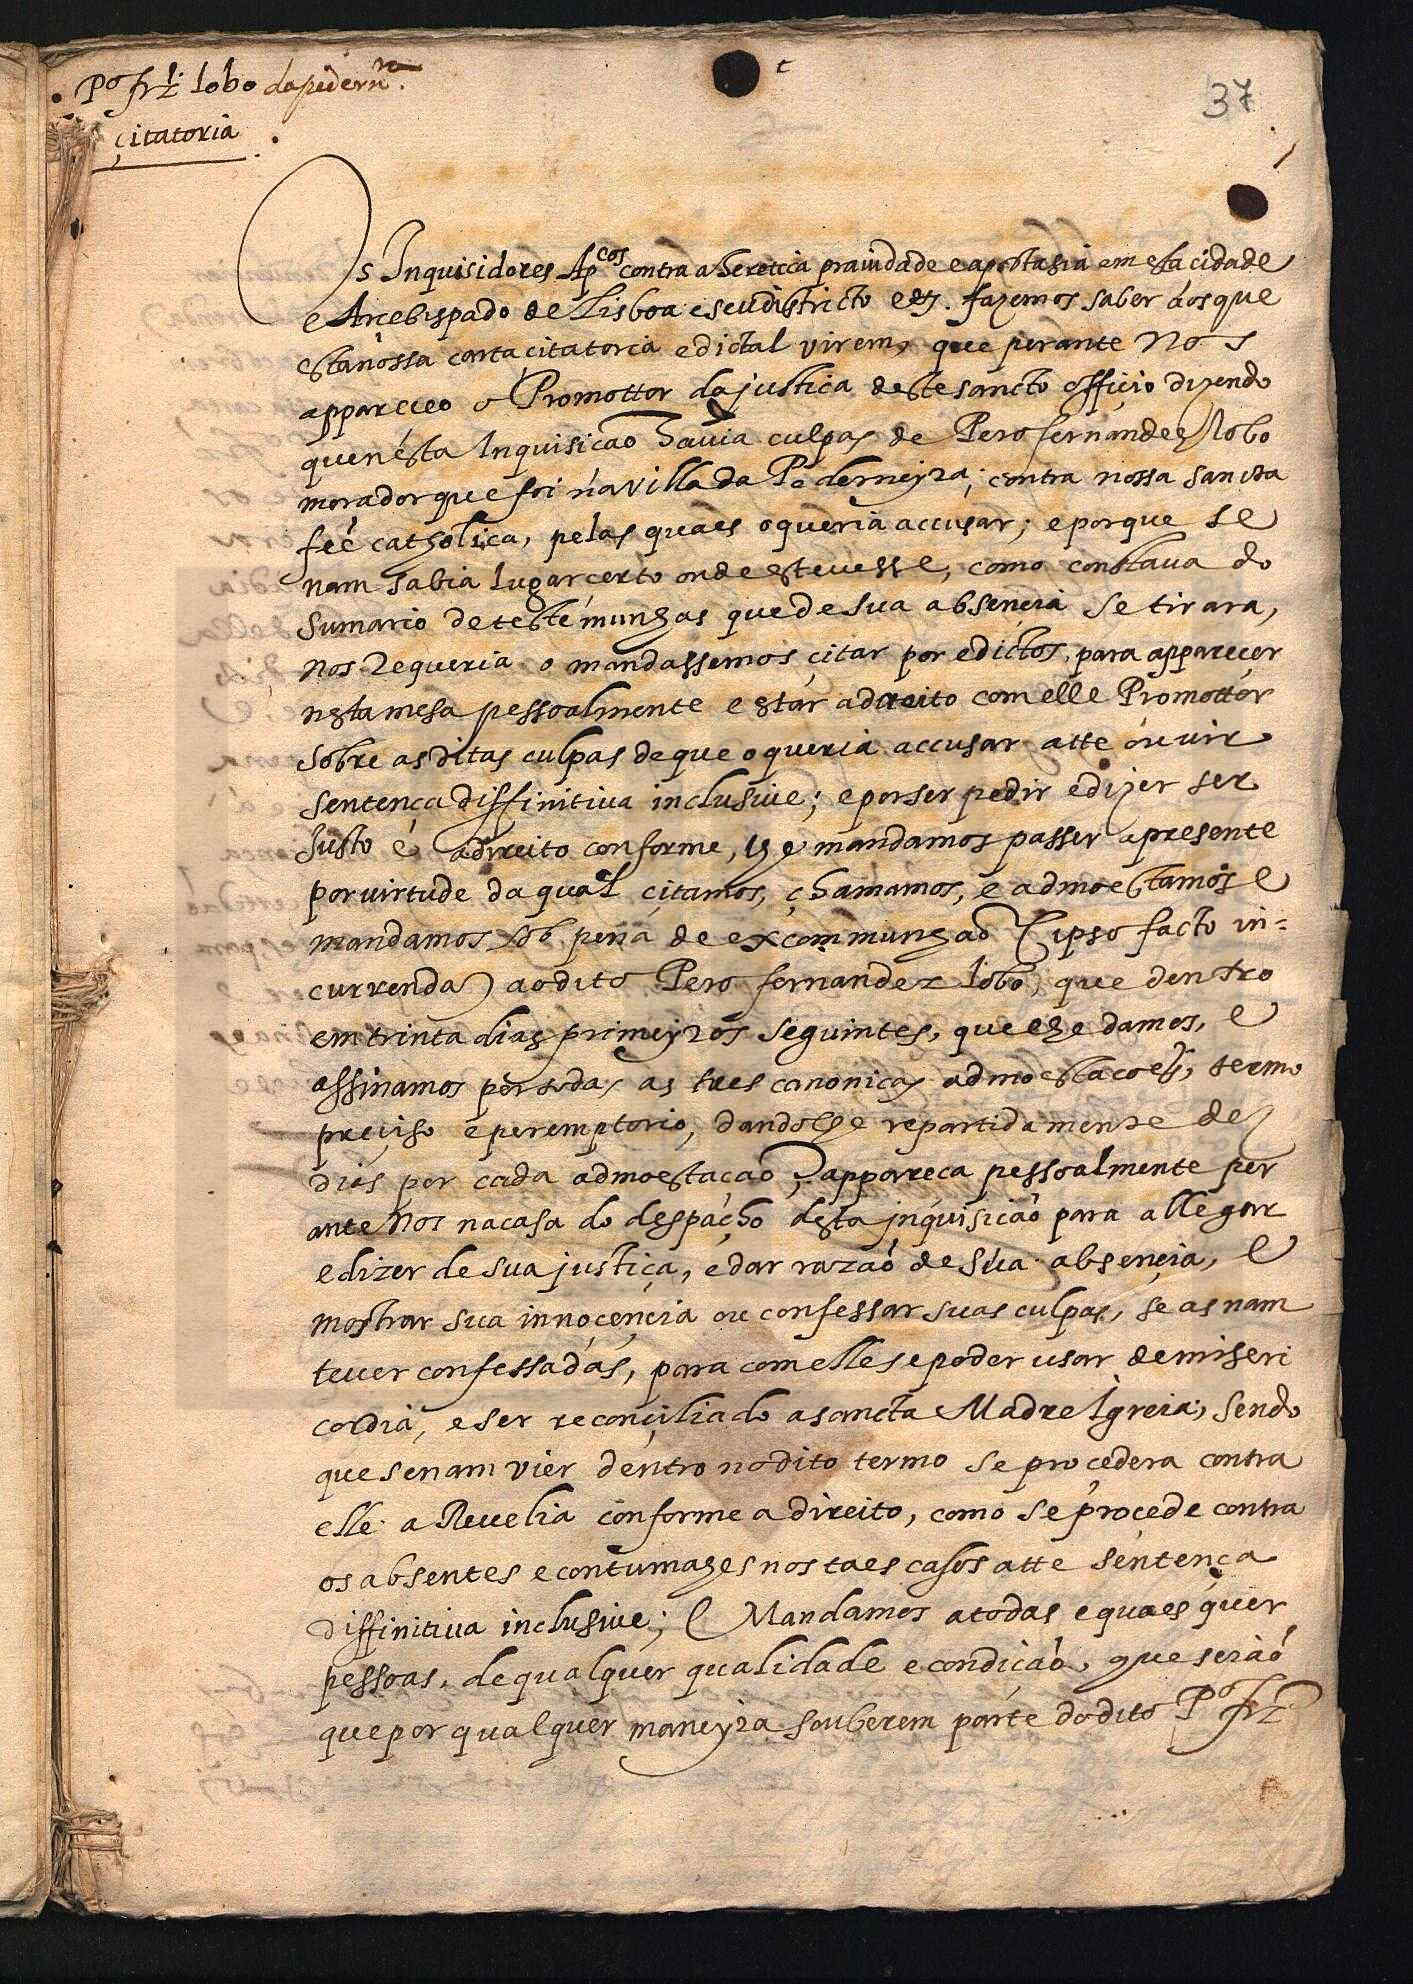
Po frz̄ Lobo da pedernra.
citatoria
Os Inquisidores Apcos contra a heretica prauidade e apostasia em esta cidade
e Arcebispado de Lisboa e seu distritcto etc. fazemos saber aos que
esta nossa carta citatoria edictal uirem, que perante nos
appareceo o Promottor da justiça deste sancto officio dizendo
que nesta Inquisição hauia culpas de Pero fernandez lobo
morador que foi na villa da Pederneyra, contra nossa sancta
feé catholica, pelas quaes o queria accusar; e porque se
nam sabia lugar certo onde esteuesse, como constaua do
Sumario de testemunhas que de sua absencia se tirara,
nos Requeria o mandassemos citar por edictos, para apparecer
nesta mesa pessoalmente e estar a direito com elle Promottor
sobre as ditas culpas de que o queria accusar atte ouuir
sentença diffinitiua inclusiue; e por ser pedir e dizer ser
Justo e a direito conforme, lhe mandamos passar a presente
por uirtude da qual citamos, chamamos, e admoestamos e
mandamos sob pena de excommunhaõ E ipso facto in
currenda ao dito Pero fernandez lobo, que dentro
em trinta dias primeyros seguintes, que lhe damos, e
assinamos per todas as taes canonicas admoestações, termo
preciso e peremptorio, dandolhe repartidamente dez
dias por cada admoestaçaõ, appareça pessoalmente per
ante nos na casa do despacho desta jnquisiçaõ para allegar
e dizer de sua justiça, e dar razaõ de sua absencia, e
mostrar sua innocencia ou confessar suas culpas, se as nam
teuer confessadas, para com elle se poder usar de miseri
cordia, e ser reconciliado a sancta Madre Igreja; sendo
que se nam vier dentro no dito termo se procedera contra
elle a Reuelia conforme a direito, como se procede contra
os absentes e contumazes nos taes casos atte sentença
diffinitiua inclusiue; e Mandamos a todas e quaesquer
pessoas, de qualquer qualidade e condiçaõ que seraõ
que por qualquer maneyra souberem parte do dito Po frz̄
